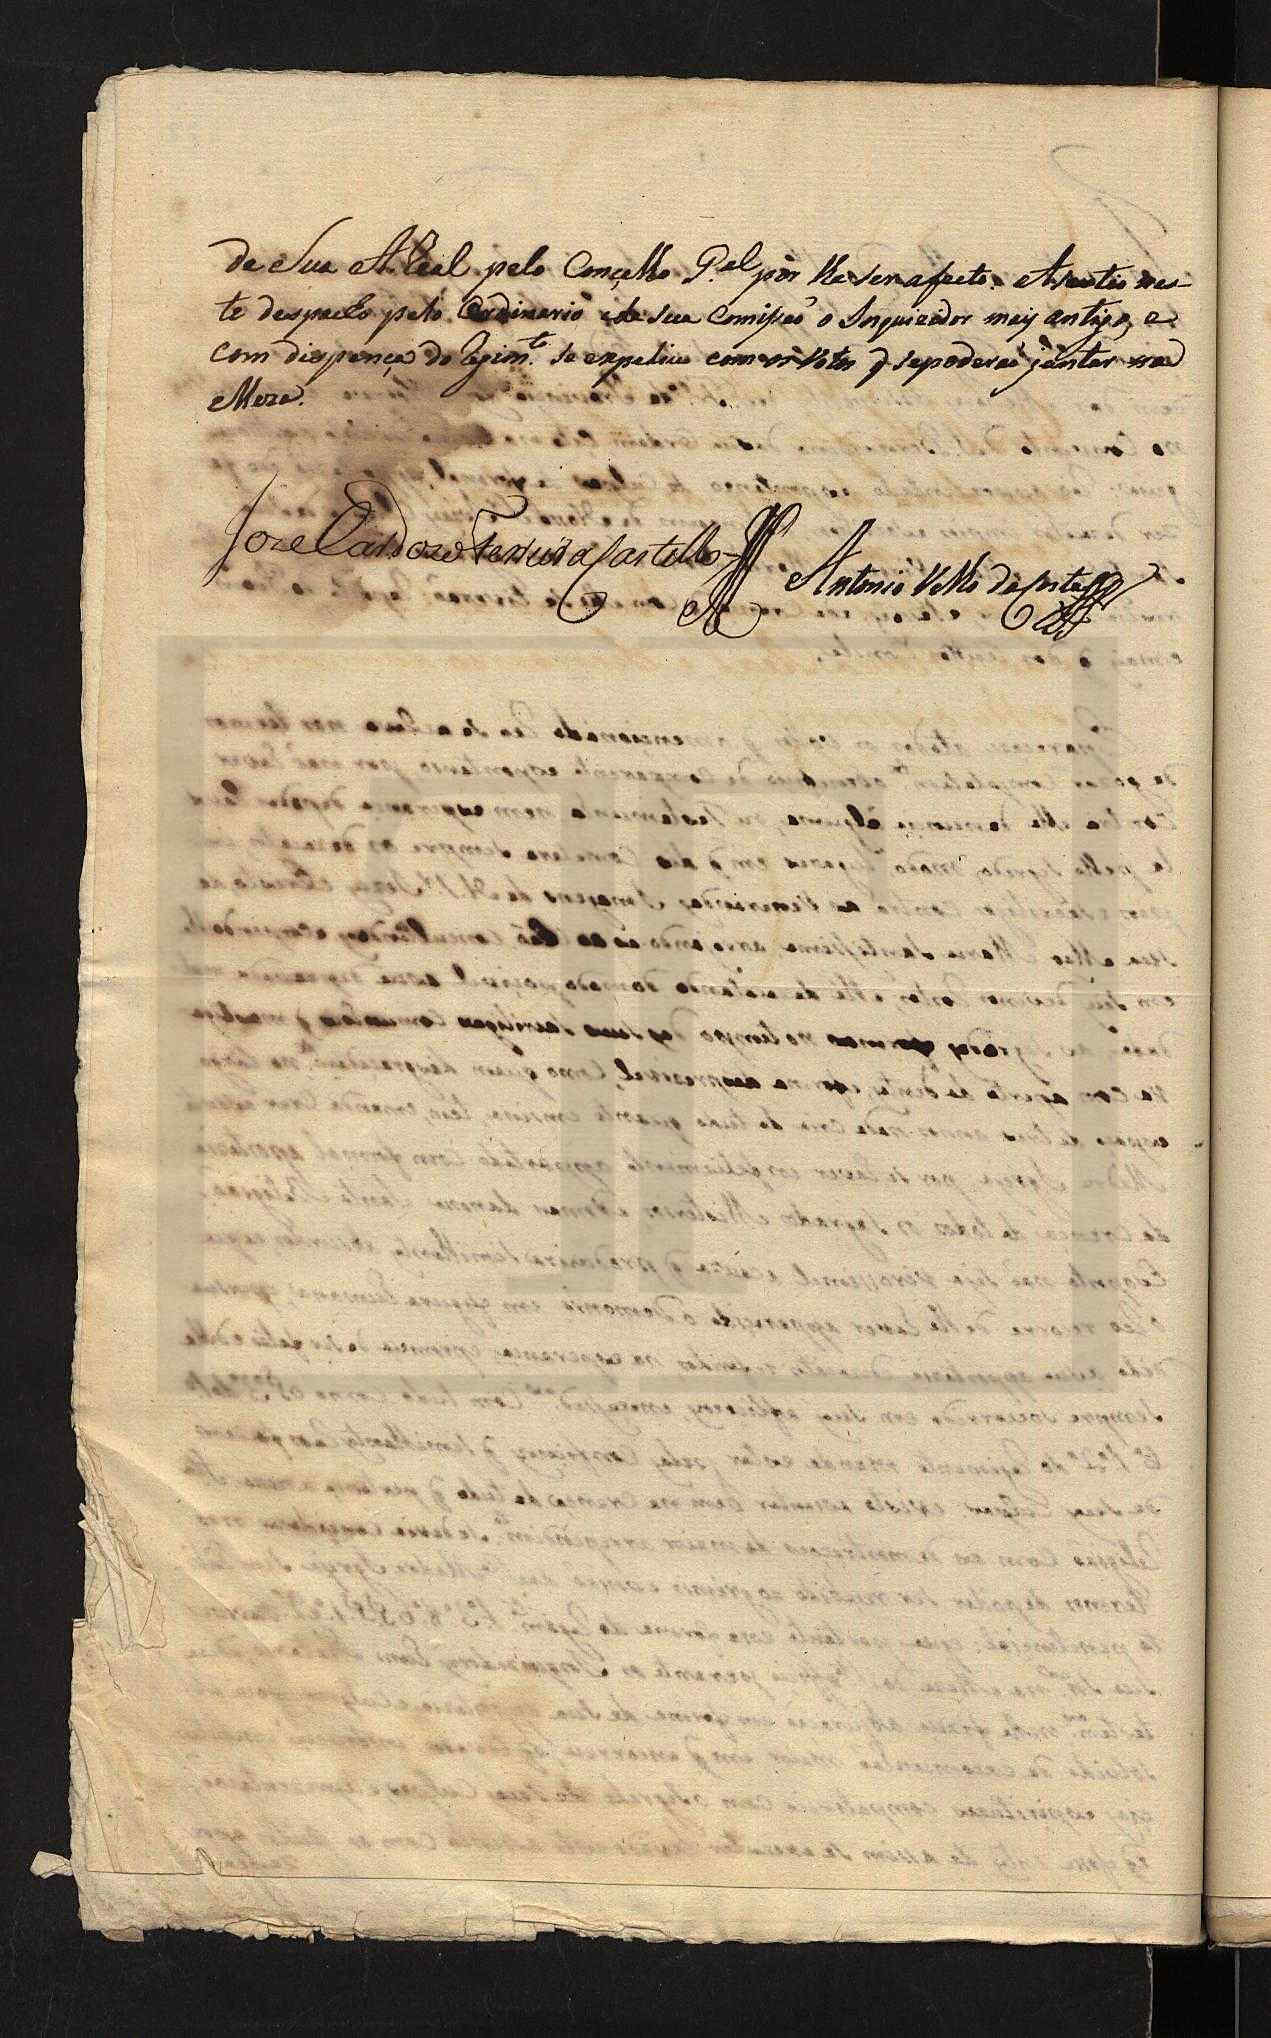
de Sua A Real pelo Concelho G.al por lhe ser afecto. Asestio nes
te despacho pelo Ordinario e de sua comissaõ o Inquizidor mais antigo, e
com dispença do Regim.to se expeliu com os Votos q̄ se poderaõ juntar na
Meza.
Joze Cardozo Ferreira Castello
Antonio Velho da Costa
